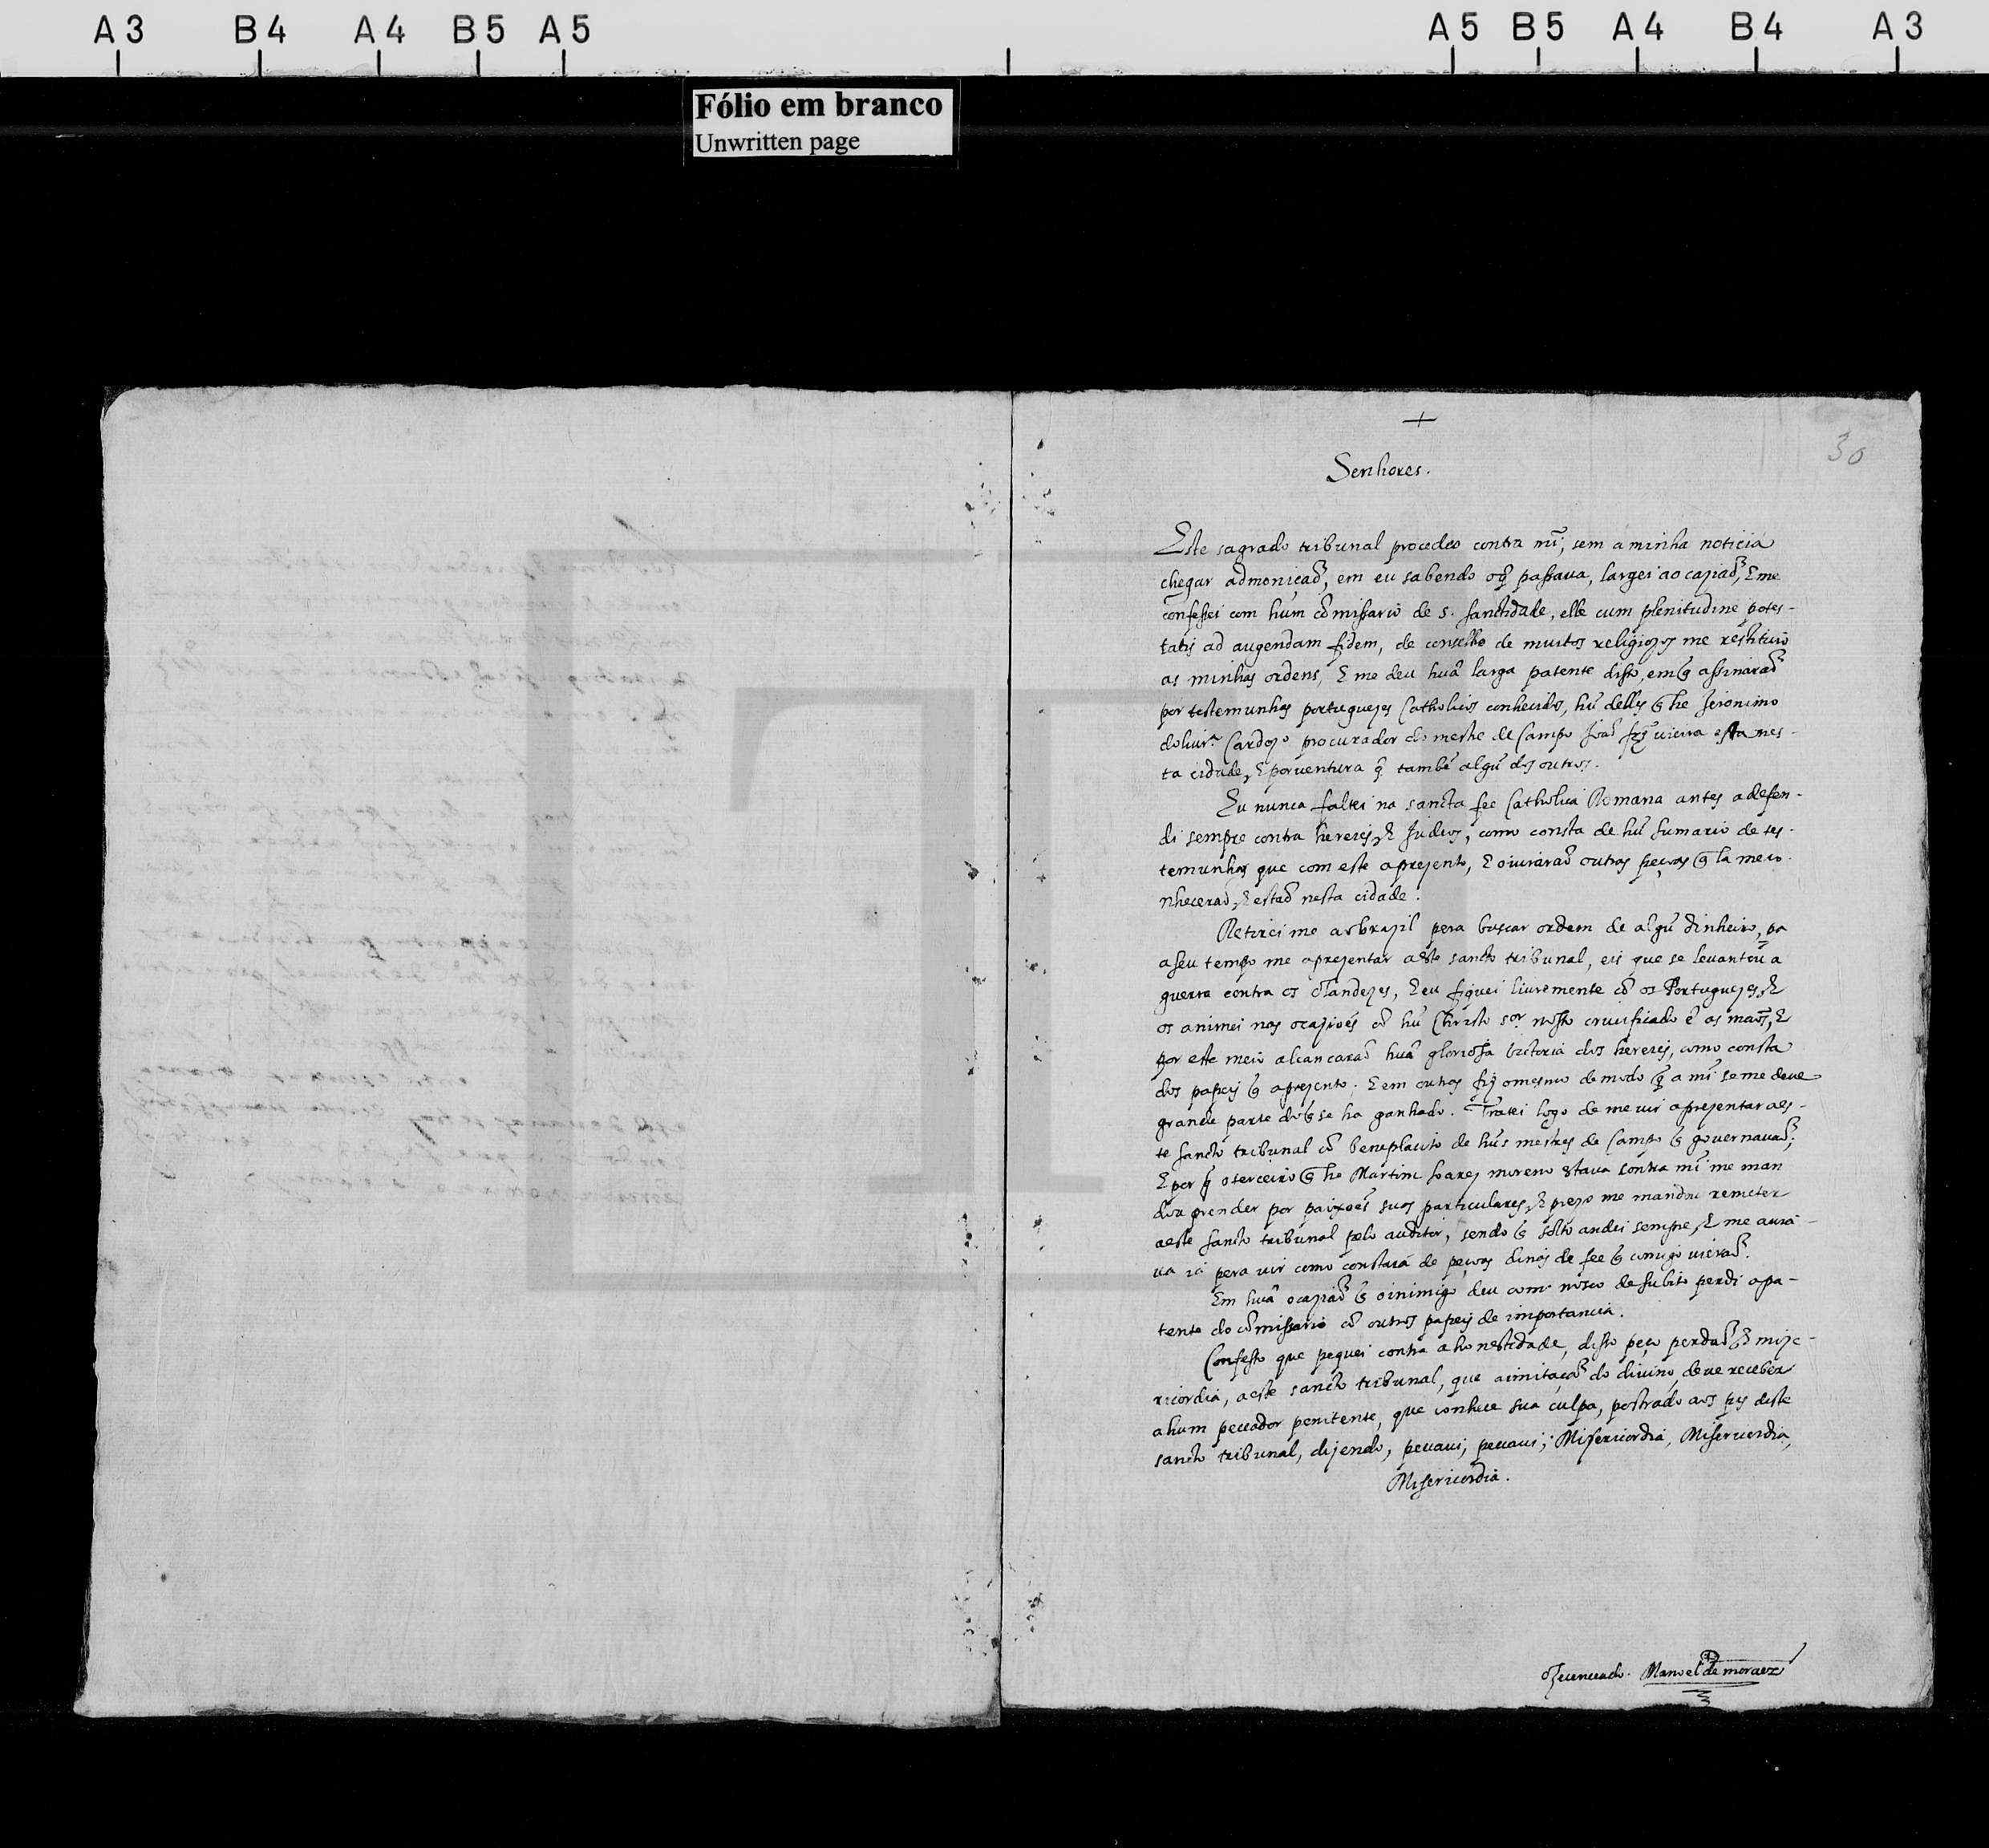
Senhores.
Este sagrado tribunal procedeo contra mī; sem a minha noticia
chegar admoniçaõ, em eu sabendo o q̄ passaua, largei a ocaziaõ, E me
confessei com hum cōmissario de s. sanctidade, elle cum plenitudine potes
tatis ad augendam fidem, de conselho de muitos religiozos me restituio
as minhas ordens, E me deu huā larga patente disso, em q̄ assinaraõ
por testemunhas portuguezes Catholicos conhecidos, hū delles q̄ he Jeronimo
doliur.a Cardozo procurador do mestre de Campo Joaõ frz̄ uieira esta nes
ta cidade, E poruentura q̄ tambē algū dos outros
Eu nunca faltei na sancta fee Catholica Romana antes a defen
di sempre contra hereies, E Judeos, como consta de hū sumario de tes
temunhas que com este aprezento, E o iuraraõ outras peçoas q̄ la me co
nheceraõ, E estaõ nesta cidade.
Retirei me ao brazil pera buscar ordem de algū dinheiro, ꝑa
a seu tempo me aprezentar a este sancto tribunal, eis que se leuantou a
guerra contra os olandezes, E eu fiquei liuramente cō os Portuguezes, E
os animei nas ocazioẽs cō hū Christo s.or nosso crucificado ē as maõs, E
por este meio alcançaraõ huā gloriosa victoria dos hereies, como consta
dos papeis q̄ aprezento. E em outras fiz o mesmo de modo q̄ a mī se me deue
grande parte do q̄ se ha ganhado. Tratei logo de me uir aprezentar a es
te sancto tribunal cō beneplacito de hūs mestres de Campo q̄ gouernauaõ,
E porq̄ o terceiro q̄ he Martim Soares moreno estaua contra mī me man
dou prender por paixoẽs suas particulares, E prezo me mandou remeter
a este sancto tribunal pelo auditor, sendo q̄ solto andei sempre, E me auia
ua ia pera uir como constará de peçoas dinas de fee q̄ comigo uieraõ.
Em huā ocaziaõ q̄ o inimigo deu comnosco de subito perdi a pa
tente do cōmissario cō outros papeis de importancia.
Confesso que pequei contra a honestidade, disso peço perdaõ E mize
ricordia, a este sancto tribunal, que a imitaçaõ do diuino deue receber
a hum peccador penitente, que conhece sua culpa, postrado aos pes deste
sancto tribunal, dizendo, peccaui; peccaui; Misericordia, Misericordia,
Misericordia.
o Lecenceado Manoel de moraez
